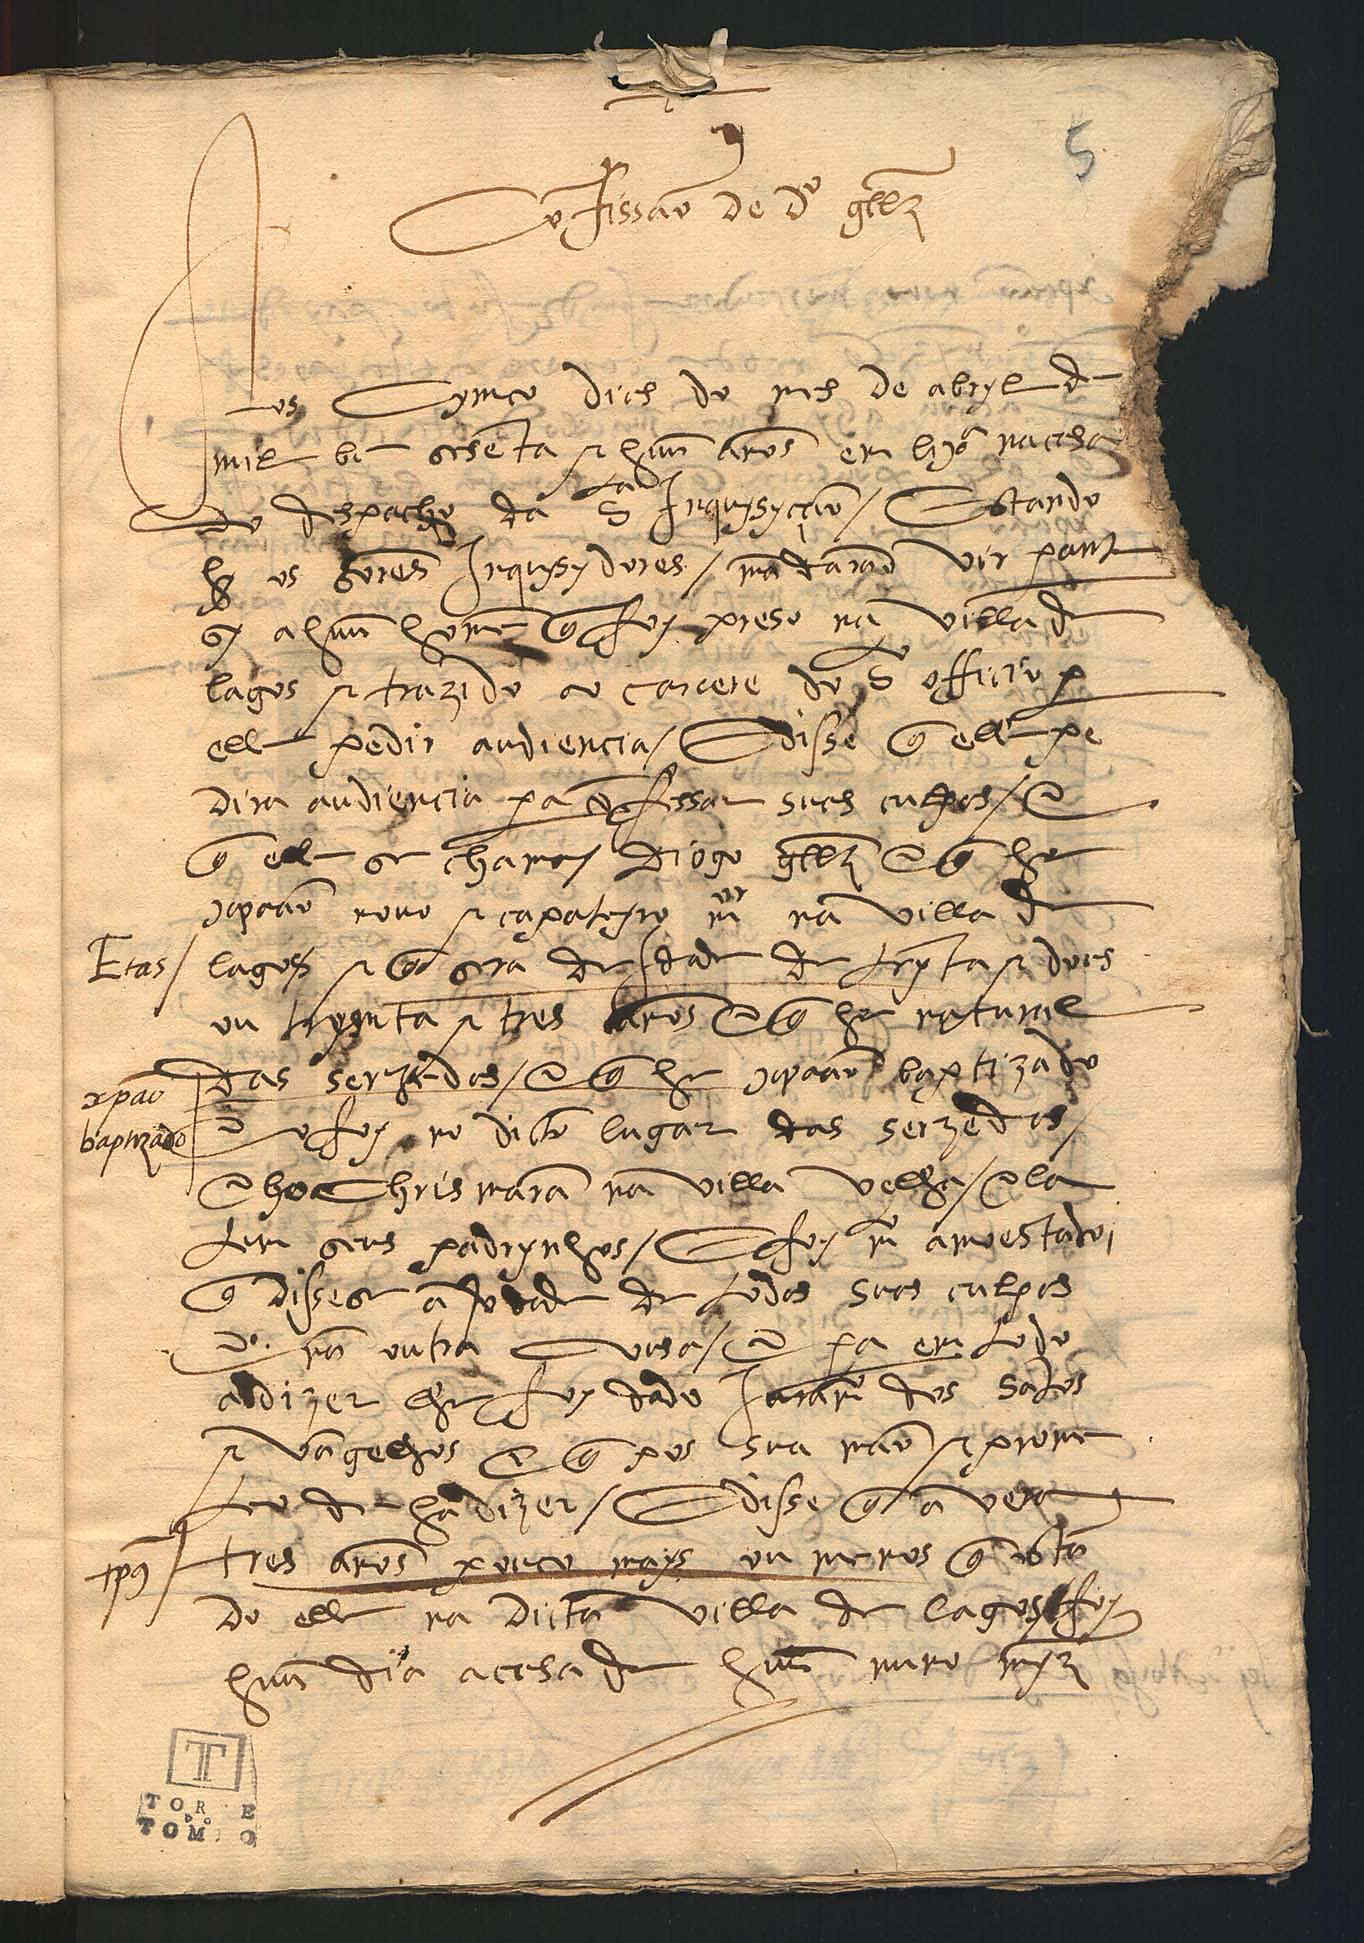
Cōfissão De Do gl̄lz
Aos Cymco dias do mes de abryl de
mil bc sesēta e hūu ānos em lixa na casa
do despacho da sta Jnquysyção / Estando
hy os s̄ores Jnquysydores / mādarão vir ꝑante
sy a hūu homē q̄ foy preso na villa de
lagos e trazido ao carcere do sto officio ꝑ
elle pedir audiencia / E disse q̄ elle pe
dira audiencia ꝑa cōfessar suas culpas / e
q̄ elle se chama / Diogo ḡllz e q̄ he
xpaão nouo e çapateyro mor na villa de
Etas /
lagos e q̄ sera de Jdade de trȳta e does
ou trynta e tres ānos e q̄ he natural
xpão
das serzedas / e que he xpaão baptizado
baptizado
e o foy no dicto lugar das serzedas /
e ho Chrismarā na villa velha / e la
tem seus padrynhos / E foy mto amoestado,
q̄ dissese a ꝟdade de todas suas culpas
e nā outra cousa / e ꝑa em todo
a dizer lhe foy dado Juramto dos sātos
evāgelhos ē q̄ pos sua mão e prome
teo de ha dizer / E disse q̄ avera
tp̄ꝯ /
tres ānos pouco mays ou menos q̄ estā
do elle na dicta villa de lagos _ foy
hūu dia a casa de hūu nuno m̄yz
